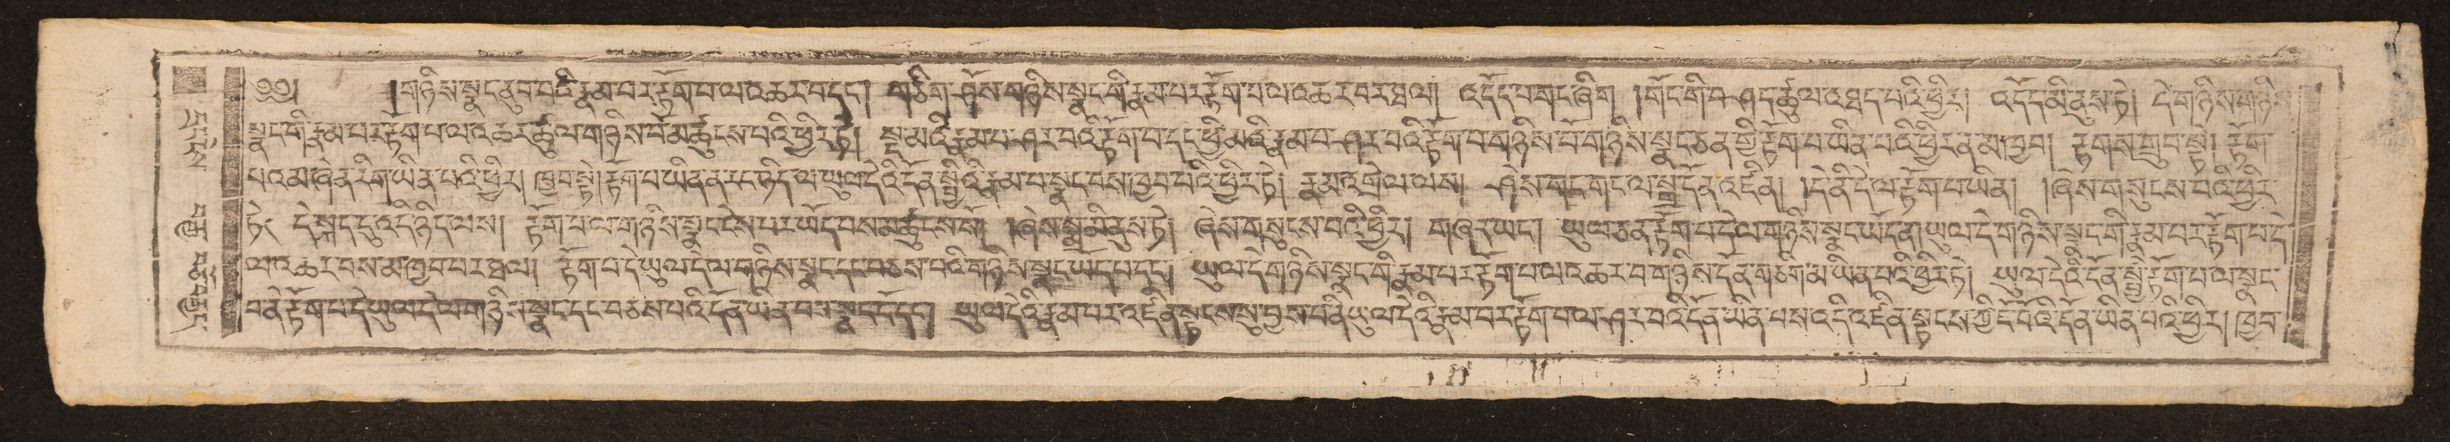༄༅། །གཉིས་སྣང་ནུབ་པའི་རྣམ་པར་རྟོག་པ་ལ་འཆར་བ་དང་། གཅིག་ཤོས་གཉིས་སྣང་གི་རྣམ་པར་རྟོག་པ་ལ་འཆར་བར་ཐལ། འདོད་པ་གང་ཞིག །གོང་གི་བཤད་ཚུལ་འཐད་པའི་ཕྱིར། འདོད་མི་ནུས་ཏེ། དེ་གཉིས་གཉིས་
སྣང་གི་རྣམ་པར་རྟོག་པ་ལ་འཆར་ཚུལ་གཉིས་པོ་མཚུངས་པའི་ཕྱིར་ཏེ། སྔ་མའི་རྣམ་པ་ཤར་བའི་རྟོག་པ་དང་ཕྱི་མའི་རྣམ་པ་ཤར་བའི་རྟོག་པ་གཉིས་པོ་གཉིས་སྣང་ཅན་གྱི་རྟོག་པ་ཡིན་པའི་ཕྱིར་ན་མ་ཁྱབ། རྟགས་གྲུབ་སྟེ། རྟོག་
པའམ་ཞེན་རིག་ཡིན་པའི་ཕྱིར། ཁྱབ་སྟེ། རྟོག་པ་ཡིན་ན་རང་ཉིད་ལ་ཡུལ་དེའི་དོན་སྤྱིའི་རྣམ་པ་སྣང་བས་ཁྱབ་པའི་ཕྱིར་ཏེ། རྣམ་འགྲེལ་ལས། ཤེས་གང་གང་ལ་སྒྲ་དོན་འཛིན། །དེ་ནི་དེ་ལ་རྟོག་པ་ཡིན། །ཞེས་གསུངས་པའི་ཕྱིར་
ཏེ༑ དེ་སྐད་དུ་འདི་ཉིད་ལས། རྟོག་པ་ལ་གཉིས་སྣང་ངེས་པར་ཡོད་པས་མཚུངས་སོ། །ཞེས་སྨྲ་མི་ནུས་ཏེ། ཞེས་གསུངས་པའི་ཕྱིར། གཞན་ཡང་། ཡུལ་ཅན་རྟོག་པ་དེ་ལ་གཉིས་སྣང་ཡོད་ན། ཡུལ་དེ་གཉིས་སྣང་གི་རྣམ་པར་རྟོག་པ་དེ་
ལ་འཆར་བས་མ་ཁྱབ་པར་ཐལ། རྟོག་པ་དེ་ཡུལ་དེ་ལ་གཉིས་སྣང་དང་བཅས་པའི་གཉིས་སྣང་ཡོད་པ་དང་། ཡུལ་དེ་གཉིས་སྣང་གི་རྣམ་པར་རྟོག་པ་ལ་འཆར་བ་གཉིས་དོན་གཅིག་མ་ཡིན་པའི་ཕྱིར་ཏེ། ཡུལ་དེའི་དོན་སྤྱི་རྟོག་པ་ལ་སྣང་
བ་ནི་རྟོག་པ་དེ་ཡུལ་དེ་ལ་གཉིས་སྣང་དང་བཅས་པའི་དོན་ཡིན་པས་སྣང་ངོ་དང་། ཡུལ་དེའི་རྣམ་པར་འཛིན་སྟངས་སུ་བྱས་པ་ནི་ཡུལ་དེའི་རྣམ་བར་རྟོག་པ་ལ་ཤར་བའི་དོན་ཡིན་པས་འདི་འཛིན་སྟངས་ཀྱི་ངོ་བོའི་དོན་ཡིན་པའི་ཕྱིར། ཁྱབ་